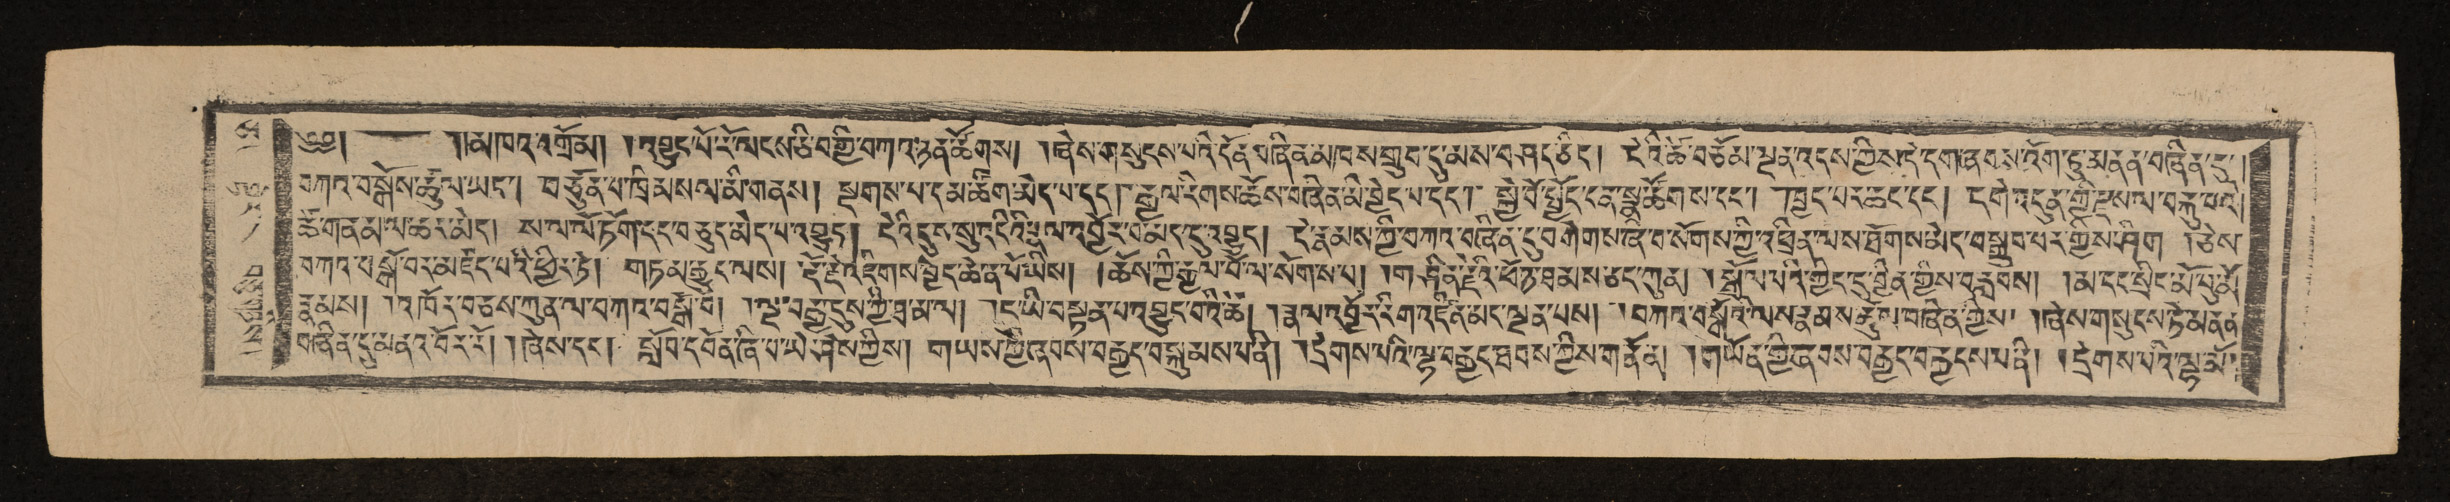༄༅། །མཁའ་འགྲོ་མ། །འབྱུང་པོ་རོ་ལངས་ཅི་བགྱི་བཀའ་ཉན་ཚོགས། །ཞེས་གསུངས་པའི་དོན་བཞིན་མཁས་གྲུབ་དུ་མས་བཤད་ཅིང་། དེའི་ཚེ་བཅོམ་ལྡན་འདས་ཀྱིས་དེ་དག་ཞབས་འོག་ཏུ་མནན་བཞིན་དུ་
བཀའ་བསྒོས་ཚུལ་ཡང་། བཙུན་པ་ཁྲིམས་ལ་མི་གནས། སྔགས་པ་དམ་ཚིག་མེད་པ་དང་། རྒྱལ་རིགས་ཆོས་བཞིན་མི་བྱེད་པ་དང་། སྐྱེ་བོ་སྤྱོད་ངན་སྣ་ཚོགས་དང་། ཁྱད་པར་ཆད་དང་། དགེ་འདུན་གྱི་རྫས་ལ་བརྐུ་བའི་
ཚེ་གནམ་ལ་ཆར་མེད། ས་ལ་ལོ་ཏོག་དང་བཅུད་མེད་པ་འབྱུང་། དེའི་དུས་སུ་འདིའི་རྣལ་འབྱོར་པ་མང་དུ་འབྱུང་། དེ་རྣམས་ཀྱི་བཀའ་བཞིན་དུ་བགེགས་ཞི་བ་སོགས་ཀྱི་འཕྲིན་ལས་ཐོགས་མེད་བསྒྲུབ་པར་གྱིས་ཤིག །ཅེས་
བཀའ་བསྒོ་བར་མཛད་པའི་ཕྱིར་ཏེ། གཏམ་རྒྱུད་ལས། རྡོ་རྗེ་འཇིགས་བྱེད་ཆེན་པོ་ཡིས། །ཆོས་ཀྱི་རྒྱལ་པོ་ལ་སོགས་པ། །གཤིན་རྗེའི་ཕོ་ཉ་ཐམས་ཅད་ཀུན། །སྒྲོལ་བའི་གྱིང་དུ་བྱིན་གྱིས་བརླབས། །མ་དང་སྲིང་མོ་བུ་མོ་
རྣམས། །འཁོར་བཅས་ཀུན་ལ་བཀའ་བསྒོ་བ། །ལྔ་བརྒྱ་དུས་ཀྱི་ཐ་མ་ལ། །ང་ཡི་བསྟན་པ་འབྱུང་བའི་ཚེ། །རྣལ་འབྱོར་རིགས་འཛིན་མང་ལྡན་པས། །བཀའ་བསྒོའི་ལས་རྣམས་ཚུལ་བཞིན་གྱིས། །ཞེས་གསུངས་ཏེ་མནན་
བཞིན་དུ་མནའ་བོར་རོ། །ཞེས་དང་། སློབ་དཔོན་ཞི་བ་ཡེ་ཤེས་ཀྱིས། གཡས་ཀྱི་ཞབས་བརྒྱད་བསྐུམས་པ་ནི། །དྲེགས་པའི་ལྷ་བརྒྱད་ཐབས་ཀྱིས་གནོན། །གཡོན་གྱི་ཞབས་བརྒྱད་བརྐྱངས་པ་ནི། །དྲེགས་པའི་ལྷ་མོ་